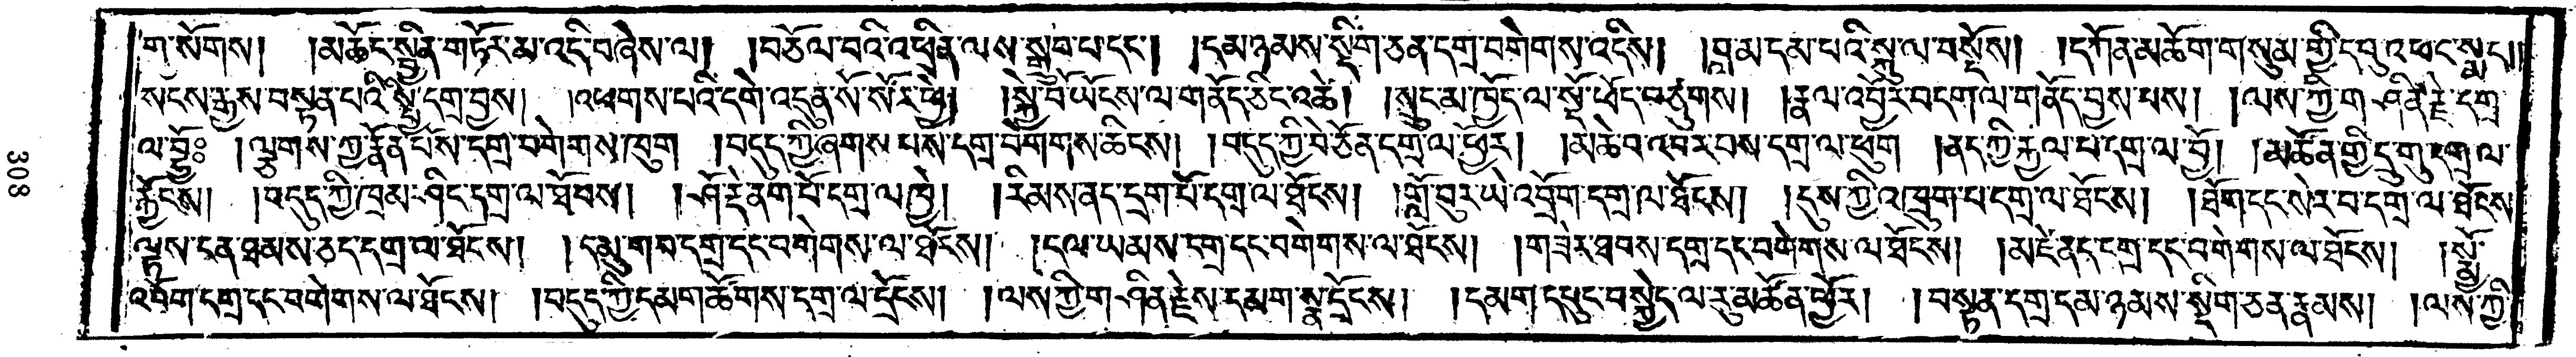གུ་སོགས། །མཆོད་སྦྱིན་གཏོར་མ་འདི་བཞེས་ལ། །བཅོལ་བའི་འཕྲིན་ལས་སྒྲུབ་པ་དང་། །དམ་ཉམས་སྡིག་ཅན་དགྲ་བགེགས་འདིས། །བླ་མ་དམ་པའི་སྐུ་ལ་བསྔོས། །དཀོན་མཆོག་གསུམ་གྱི་དབུ་འཕང་སྨད།།
སངས་རྒྱས་བསྟན་པའི་སྤྱི་དགྲ་བྱས། །འཕགས་པའི་དགེ་འདུན་སོ་སོར་ཕྱེ། །སྐྱེ་བོ་ཡོངས་ལ་གནོད་ཅིང་འཚེ། །སྲུང་མ་ཁྱོད་ལ་སྔོ་ཕོད་བཙུགས། །རྣལ་འབྱོར་བདག་ལ་གནོད་བྱས་པས། །ལས་ཀྱི་གཤིན་རྗེ་དགྲ་
ལ་བྷྱོཿ །ལྕགས་ཀྱ་རྣོན་པོས་དགྲ་བགེགས་ཁུག །བདུད་ཀྱི་ཞགས་པས་དགྲ་བགེགས་ཆིངས། །བདུད་ཀྱི་བེ་ཅོན་དགྲ་ལ་ཕྱོར། །མཆེ་བ་འབར་བས་དགྲ་ལ་ཕུག །ནད་ཀྱི་རྐྱལ་པ་དགྲ་ལ་བྱོ། །མཚོན་གྱི་དྲུ་གུ་དགྲ་ལ་
རྐྱོངས། །བདུད་ཀྱི་ཁྲམ་ཤིང་དགྲ་ལ་ཐོབས། །ཤོ་རྡེ་ནག་པོ་དགྲ་ལ་ཁྱེ། །རིམས་ནད་དྲག་པོ་དགྲ་ལ་ཐོངས། །གློ་བུར་ཡེ་འབྲོག་དགྲ་ལ་ཐོངས། །དུས་ཀྱི་འཁྲུག་པ་དགྲ་ལ་ཐོངས། །ཐོག་དང་སེར་པ་དགྲ་ལ་ཐོངས་
ལྟས་ངན་ཐམས་ཅད་དགྲ་ལ་ཐོངས། །དམུ་གབ་དགྲ་དང་བགེགས་ལ་ཐོངས། །དལ་ཡམས་དགྲ་དང་བགེགས་ལ་ཐོངས། །གཟེར་ཐབས་དགྲ་དང་བགེགས་ལ་ཐོངས། །མཛེ་ནད་དགྲ་དང་བགེགས་ལ་ཐོངས། །སྨྱོ་
འབོག་དགྲ་དང་བགེགས་ལ་ཐོངས། །བདུད་ཀྱི་དམག་ཚོགས་དགྲ་ལ་དྲོངས། །ལས་ཀྱི་གཤིན་རྗེས་དམག་སྣ་དྲོངས། །དམག་དཔུང་བསྐྱེད་ལ་རུ་མཚོན་ཕྱོར། །བསྟན་དགྲ་དམ་ཉམས་སྡིག་ཅན་རྣམས། །ལས་ཀྱི་